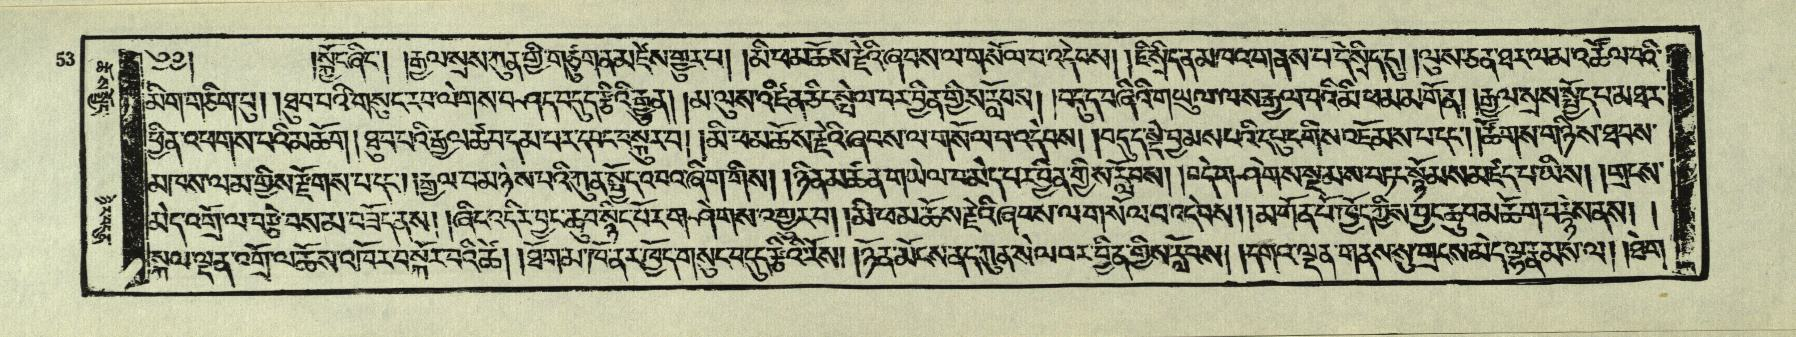༄༅། །སྐྱོང་ཞིང་། །རྒྱལ་སྲས་ཀུན་གྱི་གཙུག་ན་མཛེས་གྱུར་པ། །མི་ཕམ་ཆོས་རྗེའི་ཞབས་ལ་གསོལ་བ་འདེབས། །ཇི་སྲིད་ན་མཁའ་གནས་པ་དེ་སྲིད་དུ། །ལུས་ཅན་ཐར་ལམ་འཚོལ་བའི་
མིག་གཅིག་པུ། །ཐུབ་པའི་གསུང་རབ་ལེགས་བཤད་བདུད་རྩིའི་རྒྱུན། །མ་ལུས་འཛིན་ཅིང་སྤེལ་བར་བྱིན་གྱིས་རློབས། །བདུད་བཞིའི་གཡུལ་ལས་རྒྱལ་བའི་མི་ཕམ་མགོན། །རྒྱལ་སྲས་སྤྱོད་པ་མཐར་
ཕྱིན་འཕགས་པའི་མཆོག །ཐུབ་པའི་རྒྱལ་ཚབ་དམ་པར་དབང་བསྐུར་བ། །མི་ཕམ་ཆོས་རྗེའི་ཞབས་ལ་གསོལ་བ་འདེབས། །བདུད་སྡེ་བྱམས་པའི་དཔུང་གིས་འཇོམས་པ་དང་། །ཚོགས་གཉིས་ཐབས་
མཁས་ལམ་གྱིས་རྫོགས་པ་དང་། །རྒྱལ་བ་མཉེས་པའི་ཀུན་སྤྱོད་འབའ་ཞིག་གིས། །ཉིན་མཚན་གཡེལ་བ་མེད་པར་བྱིན་གྱིས་རློབས། །བདེ་གཤེགས་སྔ་མས་བཏང་སྙོམས་མཛད་པ་ཡིས། །གྲངས་
མེད་འགྲོ་ལ་བརྩེ་བས་མ་བཟོད་ནས། །ཞིང་འདིར་བྱང་ཆུབ་སྙིང་པོར་གཤེགས་འགྱུར་བ། །མི་ཕམ་ཆོས་རྗེའི་ཞབས་ལ་གསོལ་བ་འདེབས། །མགོན་པོ་ཁྱོད་ཀྱིས་བྱང་ཆུབ་མཆོག་བརྙེས་ནས། །
སྐལ་ལྡན་འགྲོ་ལ་ཆོས་འཁོར་བསྐོར་བའི་ཚེ། །ཐོག་མ་ཁོ་ནར་ཁྱོད་གསུང་བདུད་རྩིའི་རོས། །ཉོན་མོངས་ནད་ཀུན་སེལ་བར་བྱིན་གྱིས་རློབས། །དགའ་ལྡན་གནས་སུ་གྲངས་མེད་ལྷ་རྣམས་ལ། །ཐེག་